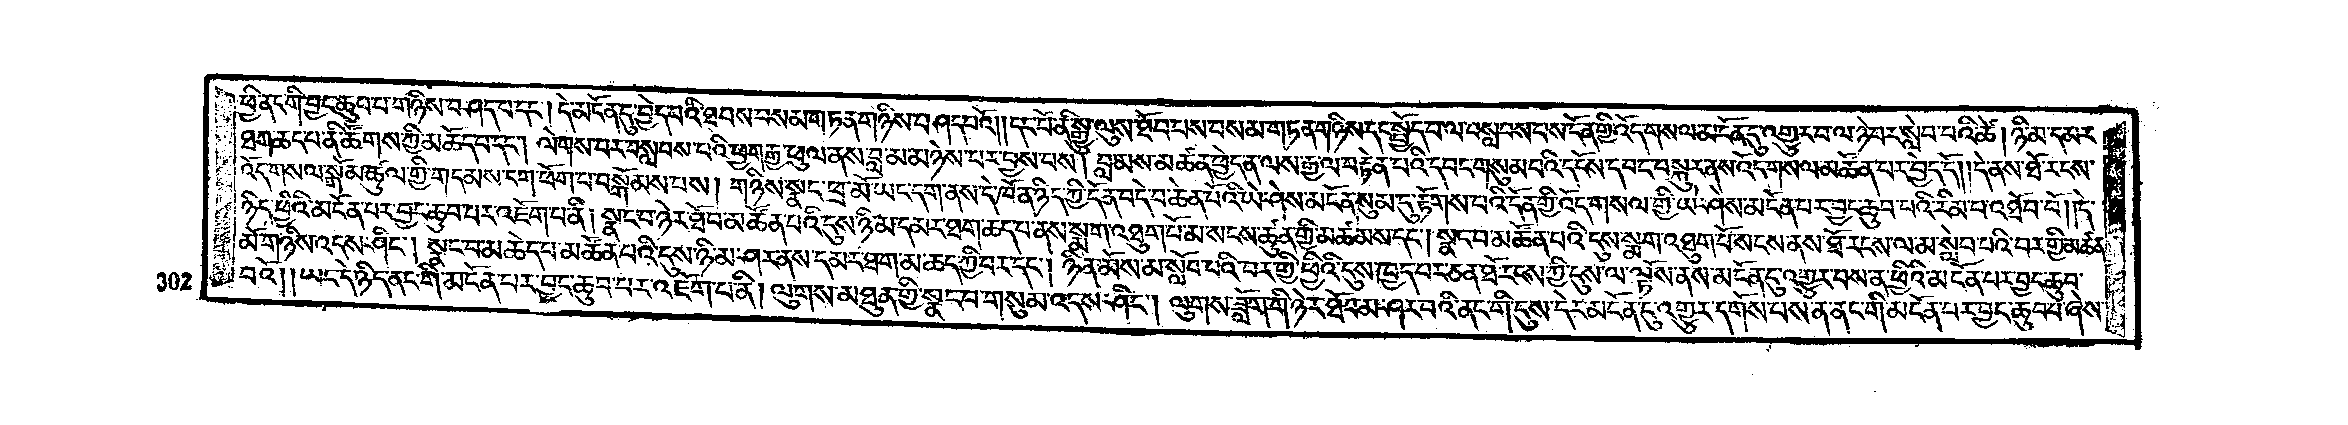ཕྱི་ནང་གི་བྱང་ཆུབ་པ་གཉིས་བཤད་པ་དང་། དེ་མངོན་དུ་བྱེད་པའི་ཐབས་བསམ་གཏན་གཉིས་བཤད་པའོ། །དང་པོ་ནི་སྒྱུ་ལུས་ཐོབ་པས་བསམ་གཏན་གཉིས་དང་སྤྱོད་པ་ལ་བསླབས་པས་དོན་གྱི་འོད་གསལ་མངོན་དུ་འགྱུར་བ་ལ་ཉེ་བར་སླེབ་པའི་ཚེ། ཉི་མ་དམར་
ཐག་ཆད་པ་ན་ཚོགས་ཀྱི་མཆོད་པ་དང་། ལེགས་པར་བསླབས་པའི་ཕྱག་རྒྱ་ཕུལ་ནས་བླ་མ་མཉེས་པར་བྱས་པས། བླ་མས་མཚན་ཕྱེད་ན་ལས་རྒྱ་ལ་བརྟེན་པའི་དབང་གསུམ་པའི་དངོས་དབང་བསྐུར་ནས་འོད་གསལ་མཚོན་པར་བྱེད་དོ། །དེ་ནས་ཐོ་རངས་
འོད་གསལ་སྒོམ་ཚུལ་གྱི་གདམས་ངག་ཕོག་པ་བསྒོམས་པས། གཉིས་སྣང་ཕྲ་མོ་ཡང་དག་ནས་དེ་ཁོ་ན་ཉིད་ཀྱི་དོན་བདེ་བ་ཆེན་པོའི་ཡེ་ཤེས་མངོན་སུམ་དུ་རྟོགས་པའི་དོན་གྱི་འོད་གསལ་གྱི་ཡེ་ཤེས་མངོན་པར་བྱང་ཆུབ་པའི་རིམ་པ་འཐོབ་བོ། །དེ་
ཉིད་ཕྱིའི་མངོན་པར་བྱང་ཆུབ་པར་འཇོག་པ་ནི། སྣང་བ་ཉེར་ཐོབ་མཚོན་པའི་དུས་ཉི་མ་དམར་ཐག་ཆད་པ་ནས་སྨག་འཐུག་པོ་མ་སངས་ཚུན་གྱི་མཚམས་དང་། སྣང་བ་མཚོན་པའི་དུས་སྨག་འཐུག་པོ་སངས་ནས་ཐོ་རངས་ལ་མ་སླེབ་པའི་བར་གྱི་མཚན་
མོ་གཉིས་འདས་ཤིང་། སྣང་བ་མཆེད་པ་མཚོན་པའི་དུས་ཉི་མ་ཤར་ནས་དམར་ཐག་མ་ཆད་ཀྱི་བར་དང་། ཉིན་མོས་མ་སླེབ་པའི་བར་གྱི་ཕྱིའི་དུས་ཁྱད་པར་ཅན་ཐོ་རངས་ཀྱི་དུས་ལ་ལྟོས་ནས་མངོན་དུ་འགྱུར་བས་ན་ཕྱིའི་མངོན་པར་བྱང་ཆུབ་
པའོ། །ཡང་དེ་ཉིད་ནང་གི་མངོན་པར་བྱང་ཆུབ་པར་འཇོག་པ་ནི། ལུགས་མཐུན་གྱི་སྣང་བ་གསུམ་འདས་ཤིང་། ལུགས་ཟློག་གི་ཉེར་ཐོབ་མ་ཤར་བའི་ནང་གི་དུས་དེར་མངོན་དུ་འགྱུར་དགོས་པས་ན་ནང་གི་མངོན་པར་བྱང་ཆུབ་པ་ཞེས་